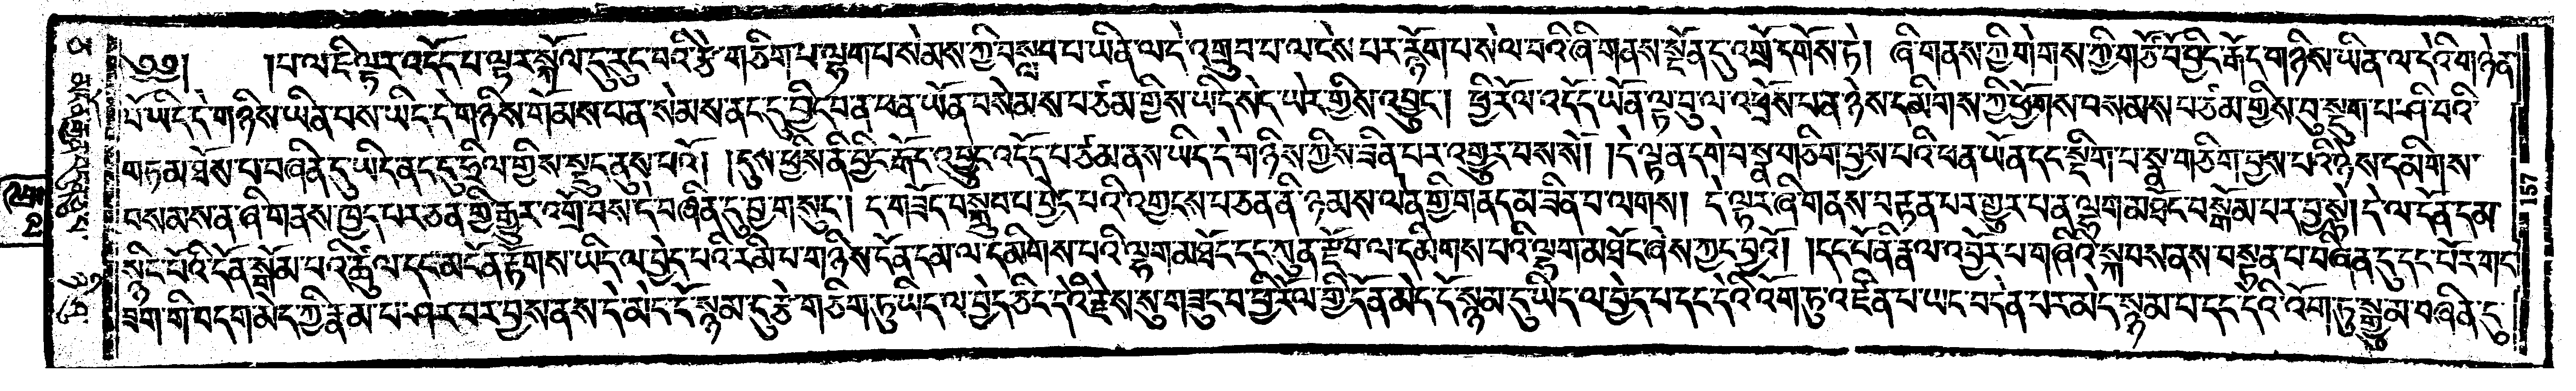༄༅། །པ་ལ་ཇི་ལྟར་འདོད་པ་ལྟར་སྐོལ་དུ་རུང་བའི་རྩེ་གཅིག་པ་ལྷག་པ་སེམས་ཀྱི་བསླབ་པ་ཡིན་ལ་དེ་འགྲུབ་པ་ལ་ངེས་པར་རྙོག་པ་སེལ་བའི་ཞི་གནས་སྔོན་དུ་འགྲོ་དགོས་ཏེ། ཞི་གནས་ཀྱི་གེགས་ཀྱི་གཙོ་བོ་བྱིང་རྒོད་གཉིས་ཡིན་ལ་དེའི་གཉེན་
པོ་ཡིད་དེ་གཉིས་ཡིན་པས་ཡིད་དེ་གཉིས་གོམས་པ་ན་སེམས་ནང་དུ་བྱིང་བ་ན་ཕན་ཡོན་པ་སེམས་པ་ཙམ་གྱིས་ཡིད་སེད་ཡེར་གྱིས་འབྱུང་། ཕྱི་རོལ་འདོད་ཡོན་ལྟ་བུ་ལ་འཕྲོས་པ་ན་ཉེས་དམིགས་ཀྱི་ཕྱོགས་བསམས་པ་ཙམ་གྱིས་བུ་སྡུག་པ་ཤི་བའི་
གཏམ་ཐོས་པ་བཞིན་དུ་ཡིད་ནང་དུ་ཧྲིལ་གྱིས་སྡུད་ནུས་པའོ། །དུས་ཕྱིས་ནི་བྱིང་རྒོད་འབྱུང་འདོད་པ་ཙམ་ནས་ཡིད་དེ་གཉིས་ཀྱིས་ཟིན་པར་འགྱུར་པས་སོ། །དེ་ལྟ་ན་དགེ་བ་སྣ་གཅིག་བྱས་པའི་ཕན་ཡོན་དང་སྡིག་པ་སྣ་གཅིག་བྱས་པའི་ཉེས་དམིགས་
བསམས་ན་ཞི་གནས་ཁྱད་པར་ཅན་གྱི་རྒྱུར་འགྲོ་བས་དེ་བཞིན་དུ་བྱ་གསུང་། ད་གཟོད་བསྒྲུབ་པ་བྱེད་པའི་འགྱངས་པ་ཅན་ནི་ཉམས་ལེན་གྱི་གནད་མ་ཟིན་པ་ལགས། དེ་ལྟར་ཞི་གནས་བརྟན་པར་གྱུར་པ་ན་ལྷག་མཐོང་བསྒོམ་པར་བྱ་སྟེ། དེ་ལ་དོན་དམ་
སྙིང་པོའི་དོན་སྒོམ་པའི་ཚུལ་དང་མངོན་རྟོགས་ཡིད་ལ་བྱེད་པའི་རིམ་པ་གཉིས་དོན་དམ་ལ་དམིགས་པའི་ལྷག་མཐོང་དང་ཀུན་རྫོབ་ལ་དམིགས་པའི་ལྷག་མཐོང་ཞེས་ཀྱང་བྱའོ། །དང་པོ་ནི་རྣལ་འབྱོར་པ་གཞིའི་སྐབས་ནས་བསྟན་པ་བཞིན་དུ་དང་པོར་གང་
ཟག་གི་བདག་མེད་ཀྱི་རྣམ་པ་ཤེར་བར་བྱས་ནས་དེ་མེད་དོ་སྙམ་དུ་རྩེ་གཅིག་ཏུ་ཡིད་ལ་བྱེད་ཅིང་དེའི་རྗེས་སུ་གཟུང་བ་ཕྱི་རོལ་གྱི་དོན་མེད་དོ་སྙམ་དུ་ཡིད་ལ་བྱེད་པ་དང་དེའི་འོག་ཏུ་འཛིན་པ་ཡང་བདེན་པར་མེད་སྙམ་པ་དང་དེའི་འོག་ཏུ་སྒྱུ་མ་བཞིན་དུ་